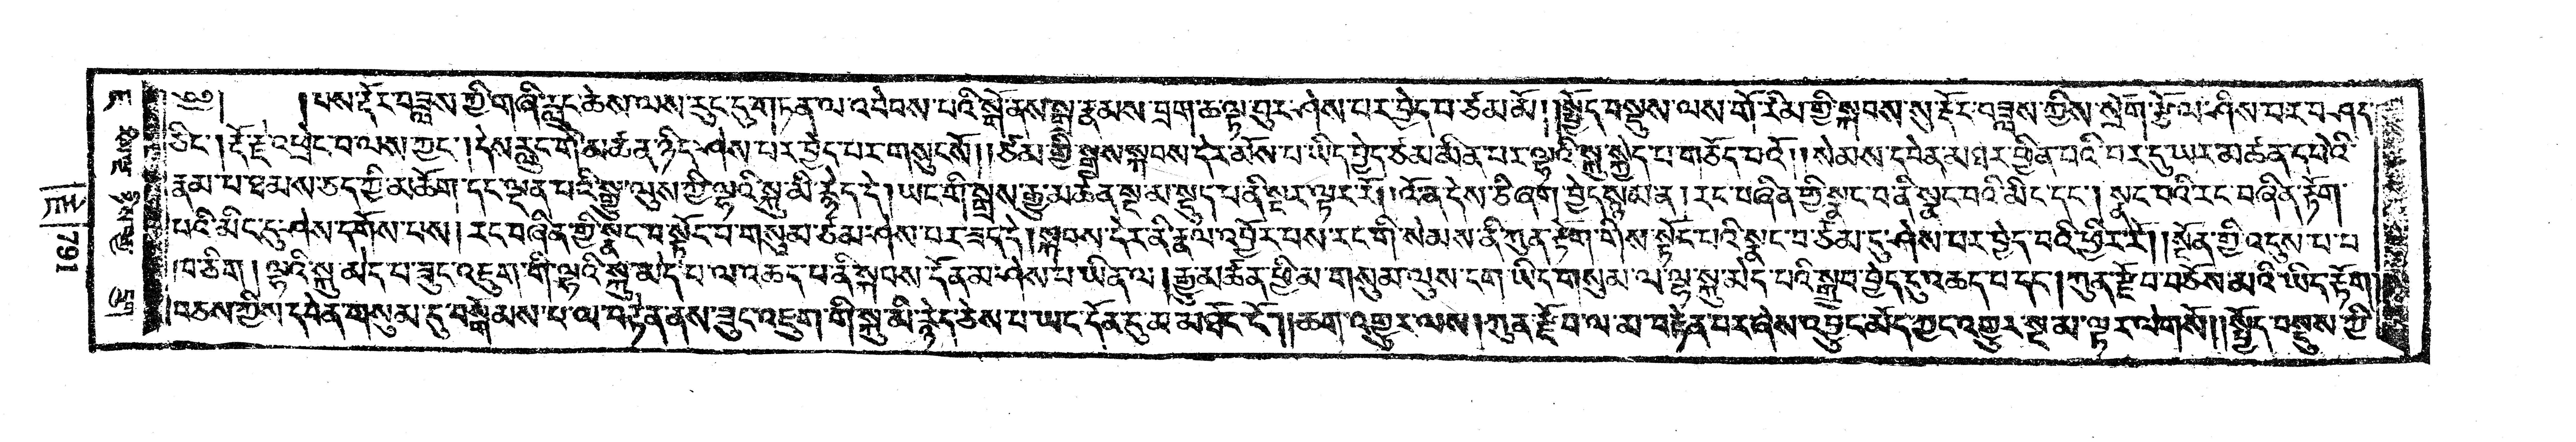༄༅། །པས་རྡོར་བཟླས་ཀྱི་གཞི་རླུང་ཆེས་ལས་རུང་དུ་གཏན་ལ་འབེབས་པའི་སྒོ་ནས་སྒྲ་རྣམས་བྲག་ཆ་ལྟ་བུར་ཤེས་པར་བྱེད་པ་ཙམ་མོ། །སྤྱོད་བསྡུས་ལས་གོ་རིམ་གྱི་སྐབས་སུ་རྡོར་བཟླས་ཀྱིས་སྲོག་རྩོལ་ཤིས་པར་བཤད་
ཅིང་། རྡོ་རྗེ་འཕྲེང་བ་ལས་ཀྱང་། དེས་རླུང་གི་མཚན་ཉིད་ཤེས་པར་བྱེད་པར་གསུངས་སོ། །ཙམ་གྱི་སྒྲས་སྐབས་དེར་མོས་པ་ཡིད་བྱེད་ཙམ་མིན་པར་ལྷའི་སྐུ་སྐྱེད་པ་གཅོད་པའོ། །སེམས་དབེན་མཐར་ཕྱིན་པའི་བར་དུ་ཡང་མཚན་དཔེའི་
རྣམ་པ་ཐམས་ཅད་ཀྱི་མཆོག་དང་ལྡན་པའི་སྒྱུ་ལུས་ཀྱི་ལྷའི་སྐུ་མི་རྙེད་དེ། ཡང་གི་སྒྲས་རྒྱུ་མཚན་སྔ་མ་སྡུད་པ་ནི་སྔར་ལྟར་རོ། །འོ་ན་དེས་ཅི་ཞིག་བྱེད་སྙམ་ན། རང་བཞིན་གྱི་སྣང་བ་ནི་སྣང་བའི་མིང་དང་། སྣང་བའི་རང་བཞིན་རྟོག་
པའི་མིང་དུ་ཤེས་དགོས་པས། རང་བཞིན་གྱི་སྣང་བ་སྟོང་པ་གསུམ་ཙམ་ཤེས་པར་ཟད་དེ། སྐབས་དེར་ནི་རྣལ་འབྱོར་པས་རང་གི་སེམས་ནི་ཀུན་རྟོག་གིས་སྟོང་པའི་སྣང་བ་ཙམ་དུ་ཤེས་པར་བྱེད་པའི་ཕྱིར་རོ། །སྔོན་གྱི་འདུས་པ་བ་
ཁ་ཅིག །ལྷའི་སྐུ་མེད་པ་ཟུང་འཇུག་གི་ལྷའི་སྐུ་མེད་པ་ལ་འཆད་པ་ནི་སྐབས་དོན་མ་ཤེས་པ་ཡིན་ལ། རྒྱུ་མཚན་ཕྱི་མ་གསུམ་ལུས་ངག་ཡིད་གསུམ་ལ་ལྷ་སྐུ་མེད་པའི་སྒྲུབ་བྱེད་དུ་འཆད་པ་དང་། ཀུན་རྫོབ་བཅོས་མའི་ཡིད་རྟོག་
བཅས་ཀྱིས་དབེན་གསུམ་དུ་བསྒོམས་པ་ལ་བརྟེན་ནས་ཟུང་འཇུག་གི་སྐུ་མི་རྙེད་ཅེས་པ་ཡང་དོན་དུ་མ་མཐོང་ངོ། །ཆག་འགྱུར་ལས། ཀུན་རྫོབ་ལ་མ་བརྟེན་པར་ཞེས་འབྱུང་མོད་ཀྱང་འགྱུར་སྔ་མ་ལྟར་ལེགས་སོ། །སྤྱོད་བསྡུས་ཀྱི་